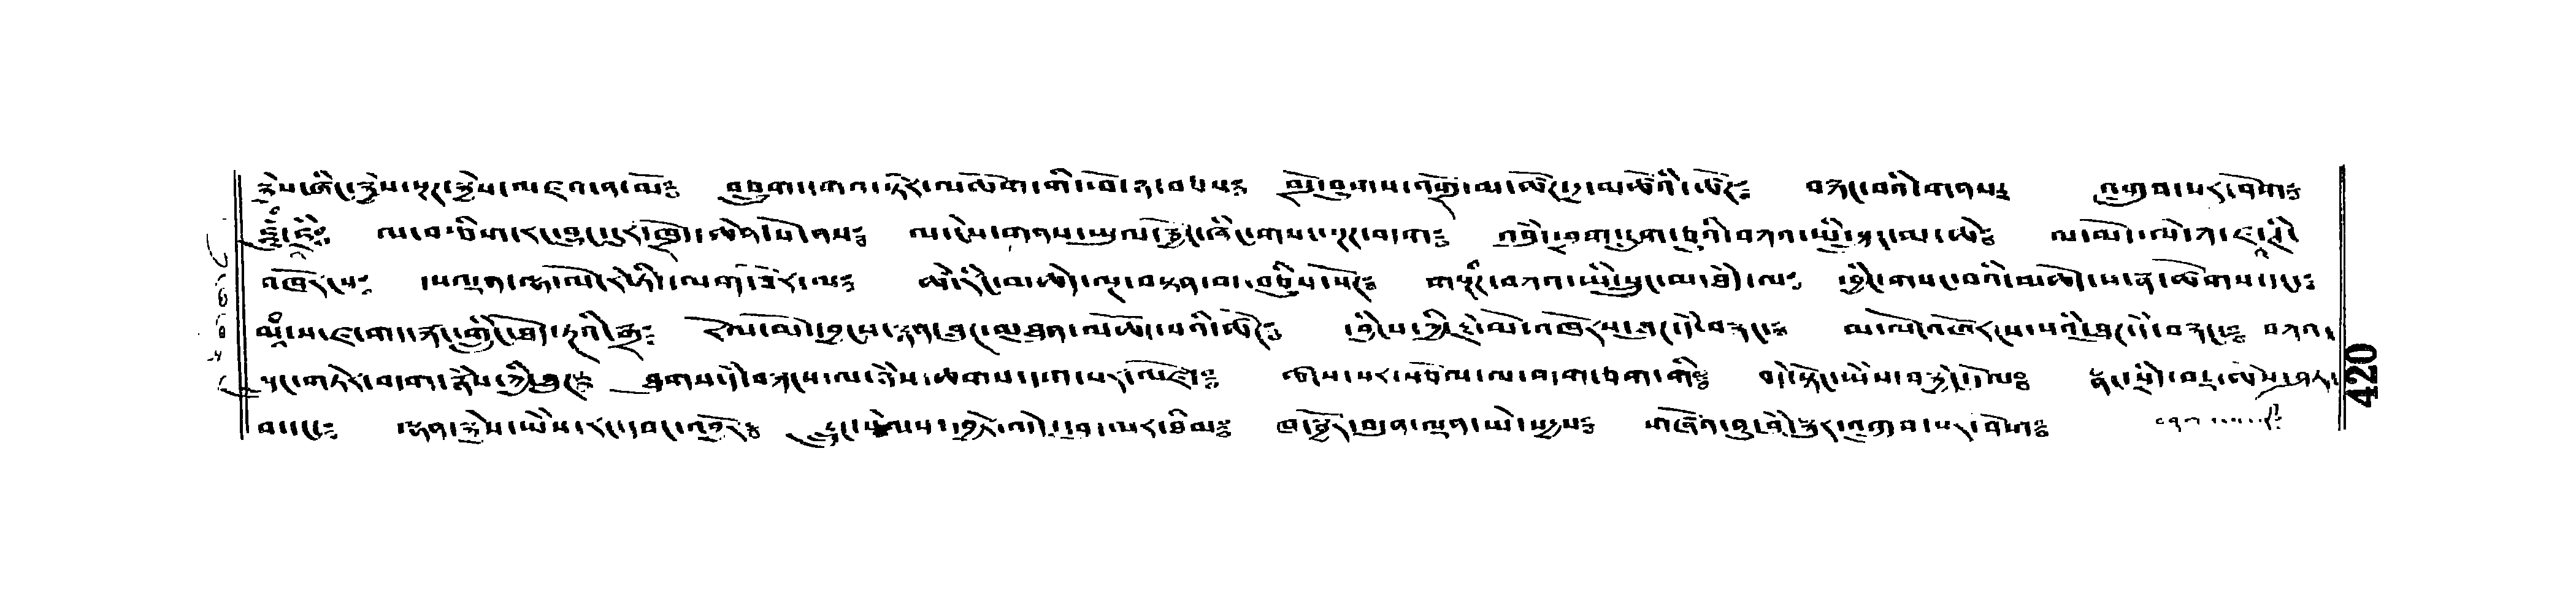སྐྱེས་ཞིང་སྐྱེས་སྔགས་སྐྱེས་མཛའ་ན་མོ༔ བཅུ་དྲུག་དགའ་སྟེར་མཆོག་གི་ཕོ་ཉ་བཅས༔ མཁའ་འགྲོ་ཤུགས་འགྲོ་མ་ཚོགས་རྒྱ་མཚོའི་ཚོགས༔ བསྐང་བའི་གནས༴ ནས༔ འགྲུབ་པར་ཤོག༔ 
ཧཱུྃ་ཧྲཱིཿ མ་བརྩིགས་རང་བྱུང་དུར་ཁྲོད་ཆེན་པོ་ནས༔ མ་ངེས་གནས་ཡུལ་སྐྱོང་ཞིང་གསང་སྔགས་བདག༔ འབུམ་ཕྲག་དྲུག་ཅུའི་བཀའ་ཡི་སྲུང་མ་ཆེ༔ མ་མོ་ཨེ་ཀ་ཛཱ་ཊི་
འཁོར་དང་བཅས༔ དཔལ་ལྡན་ལྷ་མོ་རེ་ཏི་དམག་ཟོར་མ༔ ཚེ་རིང་མཆེད་ལྔ་བསྟན་མ་བཅུ་གཉིས་སོགས༔ གསང་སྔགས་བཀའ་ཡི་སྲུང་མ་ཐམས་ཅད་ལ༔ ཕྱི་ནང་གསང་བའི་མཆོད་པ་སྣ་ཚོགས་དང༔ 
མཱཾ་ས་ཛ་གད་རྐང་གླིང་ཐོད་རྔའི་སྒྲ༔ རོལ་མོ་དབྱངས་སྙན་ཐུགས་མཐུན་མཆོད་པའི་ཚོགས༔ དབྱིངས་ཀྱི་རྗེ་མོ་འཁོར་བཅས་ཐུགས་དམ་བསྐང༔ མ་མོ་འཁོར་དང་བཅས་པའྀ་ཐུགས་དམ་བསྐང༔ བཀའ་
སྲུང་གཏེར་བདག་རྣམས་ཀྱི་ཐུགས་དམ་བསྐང༔ ཐུགས་དམ་བསྐངས་ལ་ཉམས་ཆག་དག་པར་མཛོད༔ ཚངས་པར་སྩོལ་ལ་བདག་ཅག་གི༔ བདེ་སྟོང་ཡེ་ཤེས་བསྐྱེད་དུ་གསོལ༔ སྣང་སྲིད་བརྡ་ཆོས་ཤར་
བ་དང༔ ལྷན་སྐྱེས་ཡེ་ཤེས་རང་དབང་འབྱོར༔ རླུང་སེམས་དབྱེར་མེད་དབུ་མར་ཐིམ༔ ཁ་སྦྱོར་བདུན་ལྡན་ཡེ་སངས་རྒྱས༔ གཞོན་ནུ་བུམ་སྐུ་འགྲུབ་པར་ཤོག༔ བཤགས་པ་ནི༔